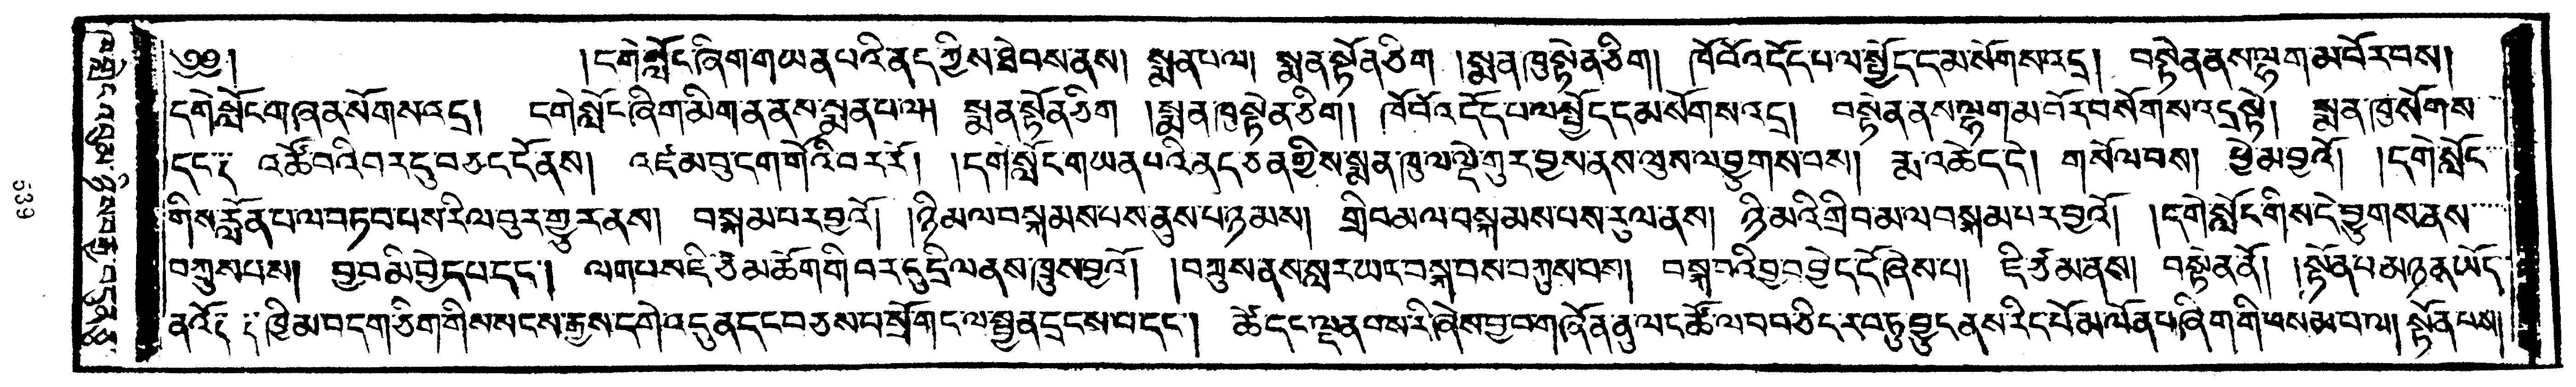༄༅། །དགེ་སློང་ཞིག་གཡན་པའི་ནད་ཀྱིས་ཐེབས་ནས། སྨན་པ་ལ། སྨན་སྟོན་ཅིག །སྨན་ཁུ་སྟེན་ཅིག། ཁོ་བོ་འདོད་པ་ལ་སྤྱོད་དམ་སོགས་འདྲ། བསྟེན་ནས་ལྷག་མ་པོར་བས།
དགེ་སློང་གཞན་སོགས་འདྲ། དགེ་སློང་ཞིག་མིག་ན་ནས་སྨན་པ་ལ། སྨན་སྟོན་ཅིག །སྨན་ཁུ་སྟེན་ཅིག། ཁོ་བོ་འདོད་པ་ལ་སྤྱོད་དམ་སོགས་འདྲ། བསྟེན་ནས་ལྷག་མ་བོར་བ་སོགས་འདྲ་སྟེ། སྨན་ཁུ་སོགས་
དང༑ འཚོ་བའི་བར་དུ་བཅང་ངོ་ནས། འཛམ་བུ་དག་གོའི་བར་རོ། །དགེ་སློང་གཡན་པའི་ནད་ཅན་གྱིས་སྨན་ཁུ་ལ་ལྡེ་གུར་བྱས་ནས་ལུས་ལ་བྱུགས་བས། རྨ་འཆེད་དེ། གསོལ་བས། ཕྱེ་མ་བྱའོ། །དགེ་སློང་
གིས་རློན་པ་ལ་བཏབ་པས་རིལ་བུར་གྱུར་ནས། བསྐམ་པར་བྱའོ། །ཉི་མ་ལ་བསྐམས་པས་ནུས་པ་ཉམས། གྲིབ་མ་ལ་བསྐམས་པས་རུལ་ནས། ཉི་མའི་གྲིབ་མ་ལ་བསྐམ་པར་བྱའོ། །དགེ་སློང་གིས་དེ་བྱུགས་ནས་
བཀྲུས་པས། བྱ་བ་མི་བྱེད་པ་དང་། ལག་པས་ཇི་ཙམ་ཆོག་གི་བར་དུ་དྲིལ་ནས་ཁྲུས་བྱའོ། །བཀྲུས་ནས་སླར་ཡང་བསྐ་བས་བཀུས་པས། བསྐ་བའི་བྱ་བ་བྱེད་དོ་ཞེས་པ། ཇི་ཙམ་ནས། བསྟེན་ནོ། །སྟོན་པ་མཉན་ཡོད་
ནའོ༑ ༑ཁྱིམ་བདག་ཅིག་གིས་སངས་རྒྱས་དགེ་འདུན་དང་བཅས་པ་སྲོ་གང་ལ་སྦྱན་དྲངས་པ་དང་། ཚེ་དང་ལྡན་པས་རི་ཞེས་བྱ་བ་གཞོན་ནུ་ལང་ཚོ་ལ་བབ་ཅིང་རབ་ཏུ་བྱུང་ནས་རིང་པོ་མ་ལོན་པ་ཞིག་གི་བསམ་པ་ལ། སྟོན་པས།